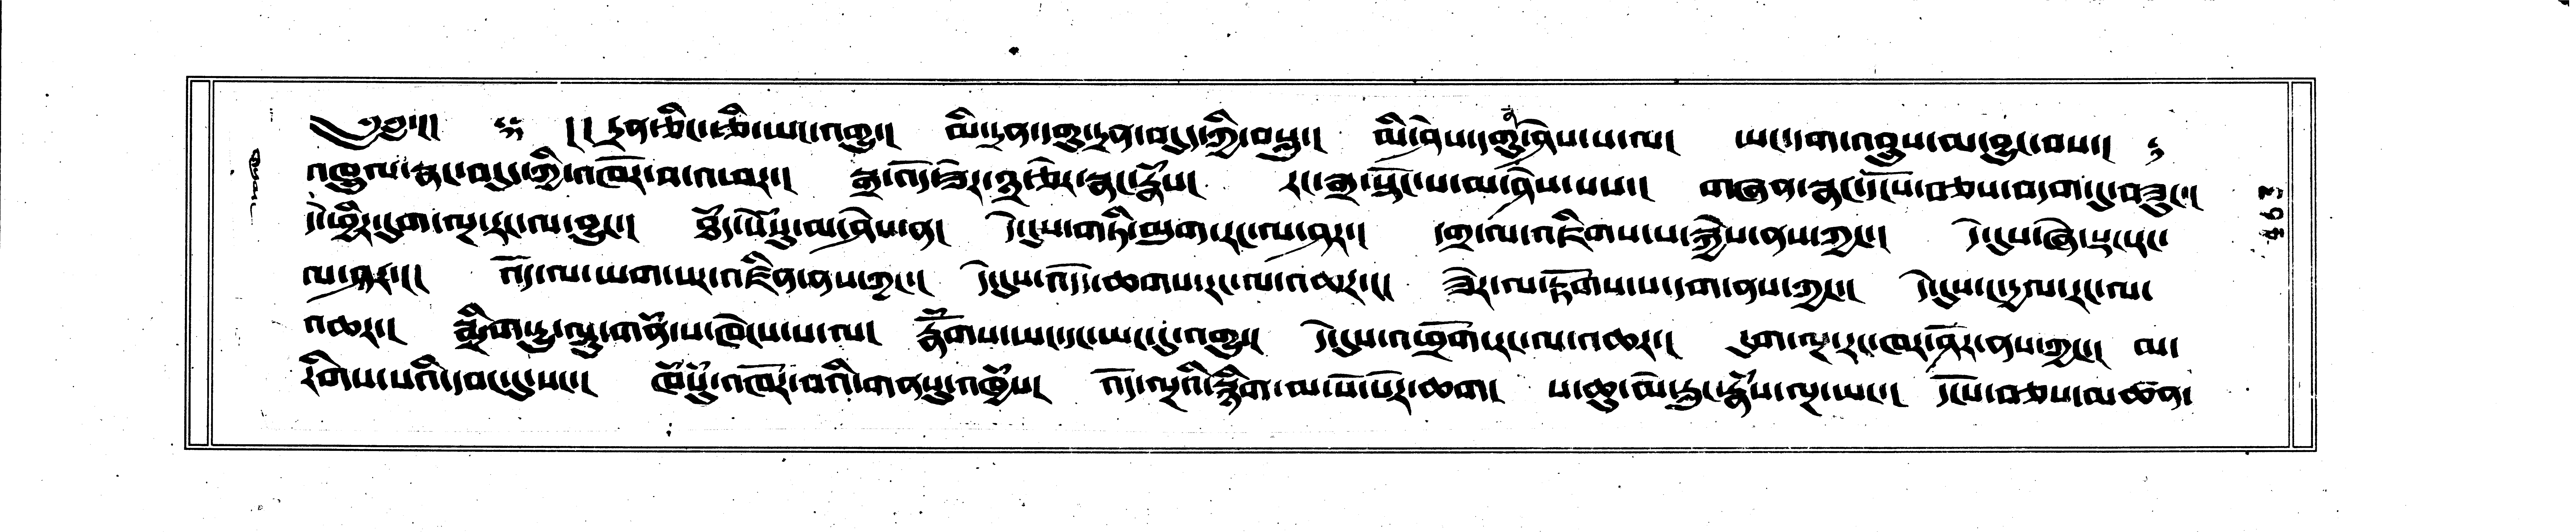དྲན་ཅིང་ཅི་ཡང་འགྱུ་། མི་དྲན་དགུ་དྲན་བདུད་ཀྱིས་བསླུ། མི་ཤེས་དགུ་ནི་ཤེས་པ་ལ། ཡང་དག་འབྲས་བུ་མ་བྱུང་པས། 
འཁྲུལ་སྣང་བདུད་ཀྱིས་འཁོར་བར་འཕང་། སྒྲ་འོད་ཟེར་གསུམ་ཅི་སྣང་རྣམས། རང་སྣང་སྟོང་པར་མ་ཤེས་པས། གཞན་སྣང་དངོས་བཅས་བདག་ཏུ་བཟུང་། 
དེ་ཕྱིར་དུག་ལྔ་རང་ལ་འབྱུང་། ཐམས་ཅད་སེམས་སུ་མ་ཤེས་པ། དེ་དུས་གཏི་མུག་རང་ལ་ཤར། སྒྲ་ལ་འཇིགས་པ་སྐྱེས་ནས་ཀྱང་། དེ་དུས་ཞེ་སྡང་རང་
ལ་འཆར། འོད་ལ་ཡག་པར་འཛིན་ནས་ཀྱང་། དེ་དུས་འདོད་ཆགས་རང་ལ་འཆར། ཟེར་ལ་རྟོག་པ་རག་ནས་ཀྱང་། དེ་དུས་ང་རྒྱལ་རང་ལ་
འཆར། སྨྲིག་སྒྱུ་ལྟ་བུའི་གནམ་ས་ཁེང་པ་ལ། རྣམ་རྟོག་ཡང་དང་ཡང་དུ་འགྱུ། དེ་དུས་འཕྲག་དོག་རང་ལ་འཆར། དུག་ལྔར་རང་ཁར་ཤོར་ནས་ཀྱང་། མ་
རིག་འཁྲུལ་པའི་དབང་དུ་སོང་། ཁམས་གསུམ་འཁོར་བའི་གནས་སུ་འཁྱམས། འོད་ལྔ་ཡི་སྙིག་མ་སོ་སོར་ཆགས། ས་རླུང་མེ་ཆུ་རྣམས་ལྔ་ཡང་། དངོས་བཅས་མཚན་